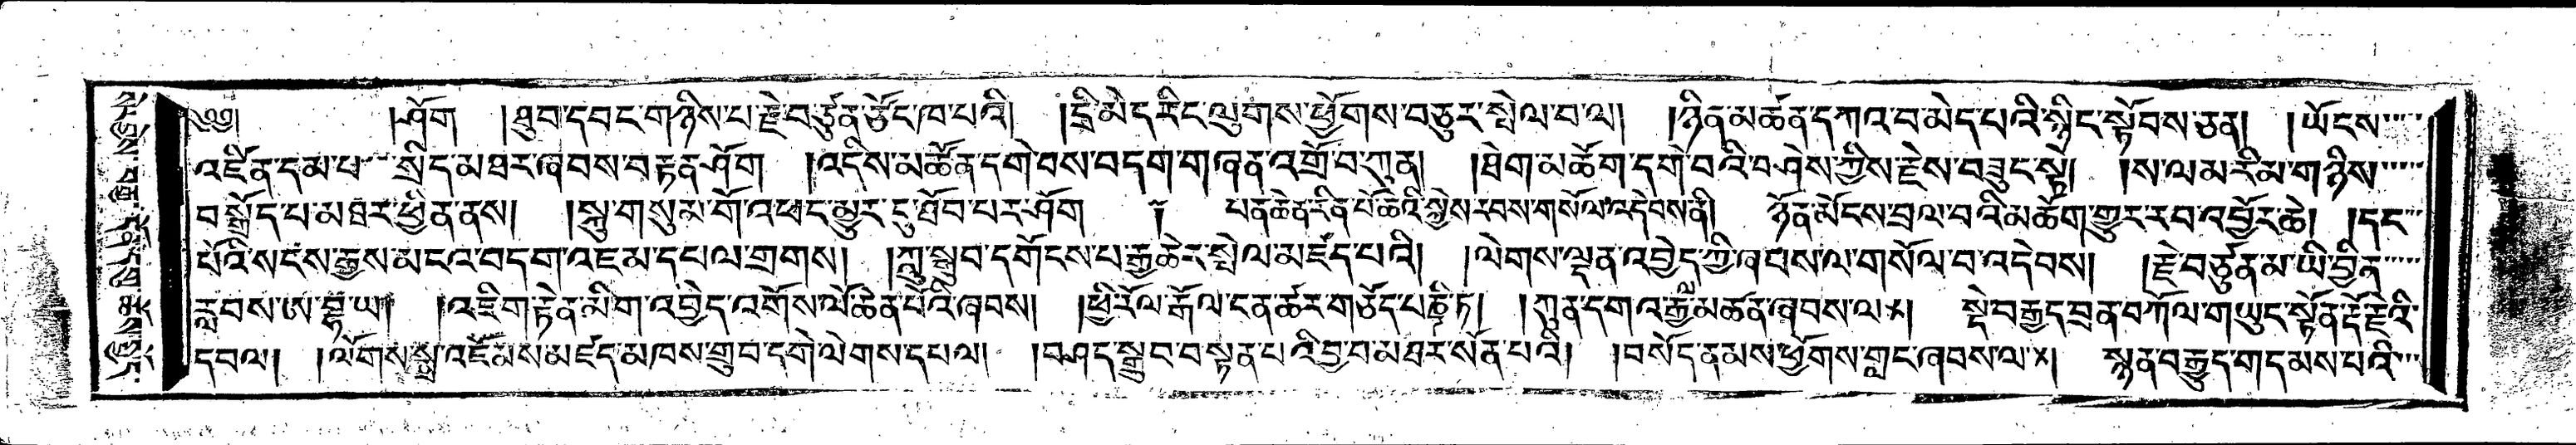༄༅། །ཤོག །ཐུབ་དབང་གཉིས་པ་རྗེ་བཙུན་ཙོང་ཁ་པའི། །དྲི་མེད་རིང་ལུགས་ཕྱོགས་བཅུར་སྤེལ་བ་ལ། །ཉིན་མཚན་དཀའ་བ་མེད་པའི་སྙིང་སྟོབས་ཅན། །ཡོངས་
འཛིན་དམ་པ་སྲིད་མཐར་ཞབས་བརྟན་ཤོག །འདིས་མཚོན་དགེ་བས་བདག་གཞན་འགྲོ་བ་ཀུན། །ཐེག་མཆོག་དགེ་བའི་བཤེས་ཀྱིས་རྗེས་བཟུང་སྟེ། །ས་ལམ་རིམ་གཉིས་
བསྒྲོད་པ་མཐར་ཕྱིན་ནས། །སྐུ་གསུམ་གོ་འཕང་མྱུར་དུ་ཐོབ་པར་ཤོག ༈ པན་ཆེན་རིན་པོ་ཆེའི་སྐྱེས་རབས་གསོལ་འདེབས་ནི། ཉོན་མོངས་བྲལ་བའི་མཆོག་གྱུར་རབ་འབྱོར་ཆེ། །དང་
པོའི་སངས་རྒྱས་མངའ་བདག་འཇམ་དཔལ་གྲགས། །ཀླུ་སྒྲུབ་དགོངས་པ་རྒྱ་ཆེར་སྤེལ་མཛད་པའི། །ལེགས་ལྡན་འབྱེད་ཀྱི་ཞབས་ལ་གསོལ་བ་འདེབས། །རྗེ་བཙུན་མ་ཡི་བྱིན་
རླབས་ཨ་བྷ་ཡ། །འཇིག་རྟེན་མིག་འབྱེད་འགོས་ལོ་ཆེན་པོའི་ཞབས། །ཕྱི་རོལ་རྒོལ་ངན་ཚར་གཅོད་པཎྜི་ཏ། །ཀུན་དགའ་རྒྱ་མཚན་ཞབས་ལ་{྾}། སྡེ་བརྒྱད་བྲན་བཀོལ་གཡུང་སྟོན་རྡོ་རྗེའི་
དཔལ། །ལོགས་སྨྲ་འཇོམས་མཛད་མཁས་གྲུབ་དགེ་ལེགས་དཔལ། །བཤད་སྒྲུབ་བསྟན་པའི་བྱ་བ་མཐར་སོན་པའི། །བསོད་ནམས་ཕྱོགས་གླང་ཞབས་ལ་{྾}། སྙན་བརྒྱུད་གདམས་པའི་